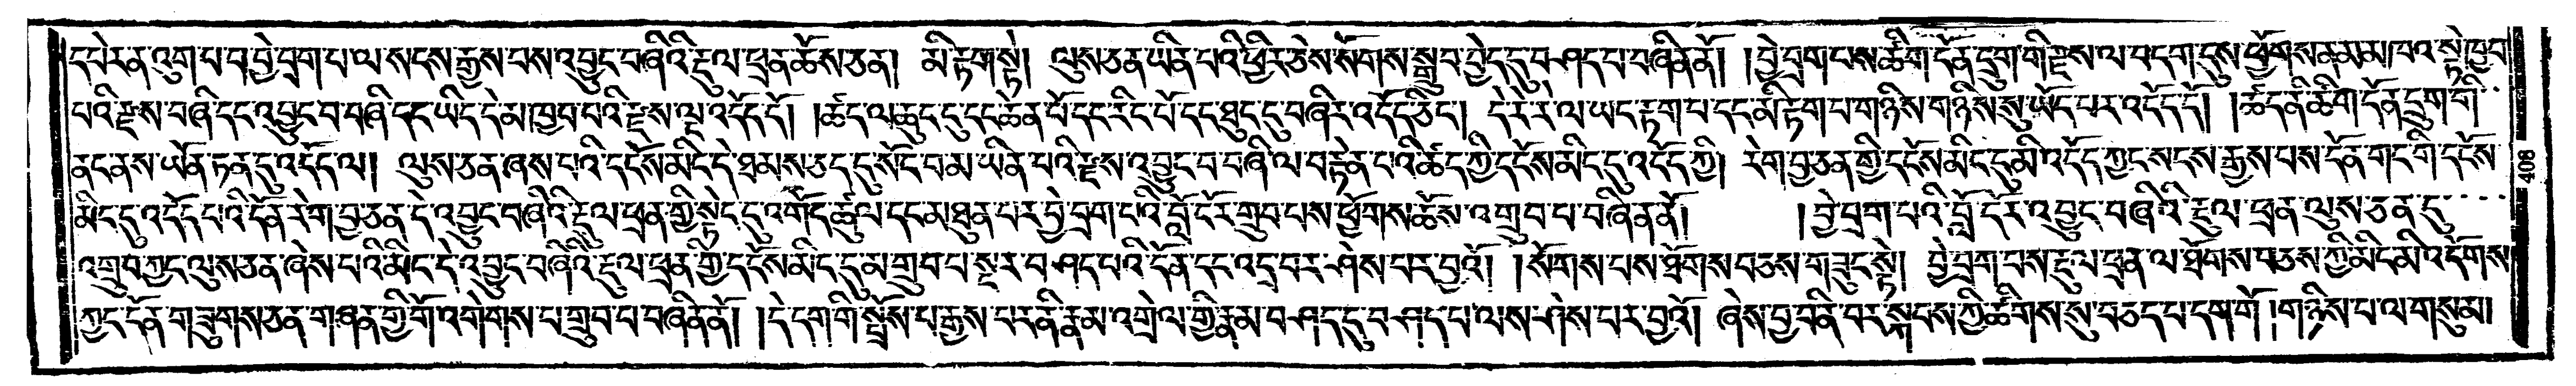དཔེར་ན་འུག་པ་པ་བྱེ་བྲག་པ་ལ་སངས་རྒྱས་པས་འབྱུང་བཞིའི་རྡུལ་ཕྲན་ཆོས་ཅན། མི་རྟག་སྟེ། ལུས་ཅན་ཡིན་པའི་ཕྱིར་ཅེས་སོགས་སྒྲུབ་བྱེད་དུ་བཤད་པ་བཞིན་ནོ། །བྱེ་བྲག་པས་ཚིག་དོན་དྲུག་གི་རྫས་ལ་བདག་དུས་ཕྱོགས་ནམ་མཁའ་སྟེ་ཁྱབ་
པའི་རྫས་བཞི་དང་འབྱུང་བ་བཞི་དང་ཡིད་དེ་མ་ཁྱབ་པའི་རྫས་ལྔ་འདོད་དོ། །ཚད་ལ་ཆུང་དུ་དང་ཆེན་པོ་དང་རིང་པོ་དང་ཐུང་དུ་བཞིར་འདོད་ཅིང་། དེ་རེ་རེ་ལ་ཡང་རྟག་པ་དང་མི་རྟག་པ་གཉིས་གཉིས་སུ་ཡོད་པར་འདོད་དོ། །ཚད་ནི་ཚིག་དོན་དྲུག་གི་
ནང་ནས་ཡོན་ཏན་དུ་འདོད་ལ། ལུས་ཅན་ཞས་པའི་དངོས་མིང་དེ་ཐམས་ཅད་དུ་སོང་བ་མ་ཡིན་པའི་རྫས་འབྱུང་བ་བཞི་ལ་བརྟེན་པའི་ཚད་ཀྱི་དངོས་མིང་དུ་འདོད་ཀྱི། རེག་བྱ་ཅན་གྱི་དངོས་མིང་དུ་མི་འདོད་ཀྱང་སངས་རྒྱས་པས་དོན་གང་གི་དངོས་
མིང་དུ་འདོད་པའི་དོན་རེག་བྱ་ཅན་དེ་འབྱུང་བཞིའི་རྡུལ་ཕྲན་གྱི་སྟེང་དུ་འགོད་ཚུལ་དང་མཐུན་པར་བྱེ་བྲག་པའི་བློ་ངོར་གྲུབ་པས་ཕྱོགས་ཆོས་འགྲུབ་པ་བཞིན་ནོ། །བྱེ་བྲག་པའི་བློ་དོར་འབྱུང་བཞིའི་རྡུལ་ཕྲན་ལུས་ཅན་དུ་
འགྲུབ་ཀྱང་ལུས་ཅན་ཞེས་པའི་མིང་དེ་འབྱུང་བཞིའི་རྡུལ་ཕྲན་གྱི་དངོས་མིང་དུ་མ་གྲུབ་པ་སྔར་བཤད་པའི་དོན་དང་འདྲ་བར་ཤེས་པར་བྱའོ། །སོགས་པས་ཐོགས་བཅས་གཟུང་སྟེ། བྱེ་བྲག་པས་རྡུལ་ཕྲན་ལ་ཐོགས་བཅས་ཀྱི་མིང་མི་འདོགས་
ཀྱང་དོན་གཟུགས་ཅན་གཞན་གྱི་གོ་འགེགས་པ་གྲུབ་པ་བཞིན་ནོ། །དེ་དག་གི་སྤྲོས་པ་རྒྱས་པར་ནི་རྣམ་འགྲེལ་གྱི་རྣམ་བཤད་དུ་བཤད་པ་ལས་ཤེས་པར་བྱའོ། ཞེས་བྱ་བ་ནི་བར་སྐབས་ཀྱི་ཚིགས་སུ་བཅད་པ་དག་གོ །གཉིས་པ་ལ་གསུམ།